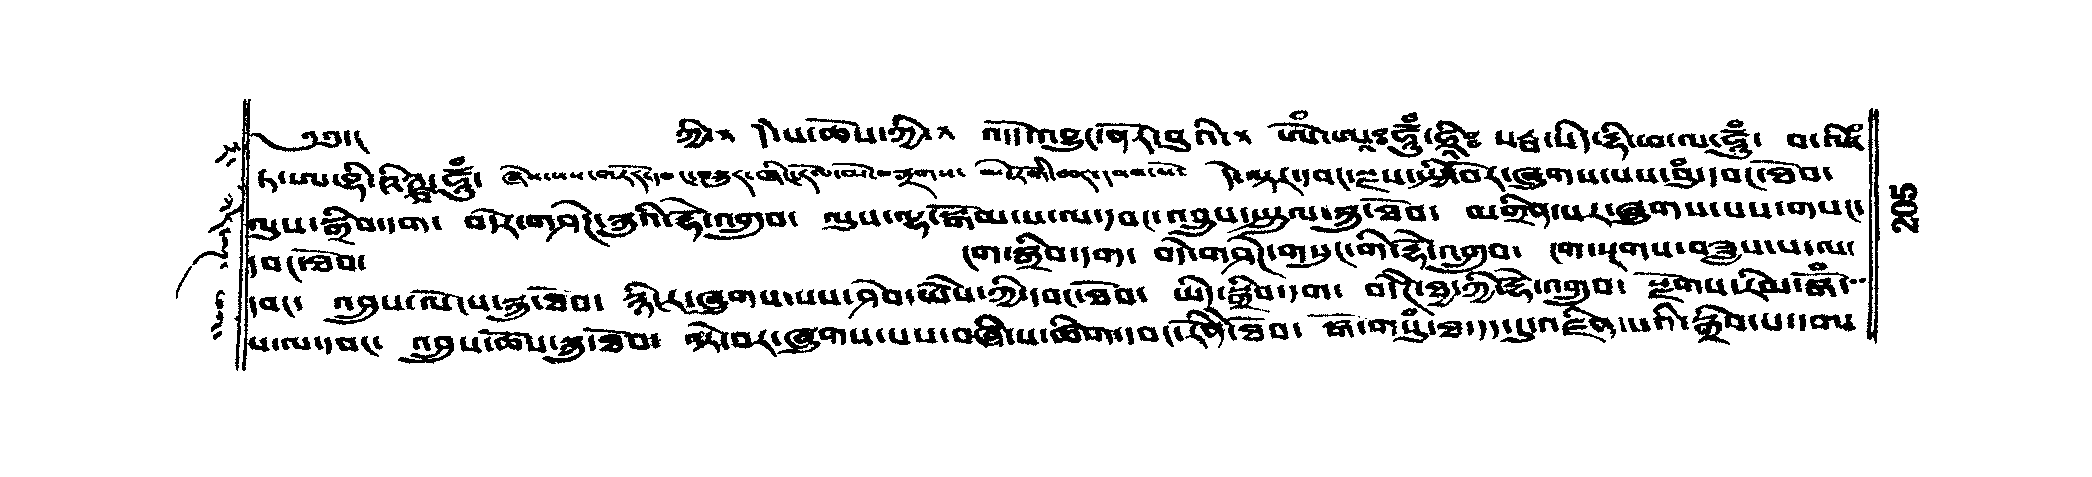ཀྱི༴ དམ་པ་ཆོས་ཀྱི༴ འདོད་འབྱུང་ནོར་བུའི༴ ཨོཾ་ཨཱཿཧཱུྃ་ཧྲཱིཿསརྦ་སིདྡྷི་ཕ་ལ་ཧཱུྃ། བ་ལི
ངྟ་ཨ་བྷི་རིཉྩ་ཧཱུྃ། ཞེས་པས་གཏོར་དབང་བསྐུར་ཞིང་རོལ་མོ་བསྒྲགས། མེ་ཏོག་གི་ཆར་དབབ་བོ། དེ་ལྟར་དབང་རྫས་སྤྱི་བོར་ཞུགས་པས་བུམ་དབང་ཐོབ་
ལུས་སྒྲིབ་དག བདེ་གཤེགས་སྐུའི་རྡོ་རྗེ་འགྲུབ། ལུས་ལྷ་སྒོམ་པ་ལ་དབང་འབྲས་བུ་སྤྲུལ་སྐུ་ཐོབ། མགྲིན་པར་ཞུགས་པས་གསང་
དབང་ཐོབ། ངག་སྒྲིབ་དག བདེ་གཤེགས་གསུང་གི་རྡོ་རྗེ་འགྲུབ། ངག་སྔགས་བཟླས་པ་ལ་
དབང་། འབྲས་བུ་ལོངས་སྐུ་ཐོབ། སྙིང་གར་ཞུགས་པས་ཤེས་རབ་ཡེ་ཤེས་ཀྱི་དབང་ཐོབ། ཡིད་སྒྲིབ་དག བདེ་གཤེགས་ཐུགས་ཀྱི་རྡོ་རྗེ་འགྲུབ། རྫོགས་རིམ་སྒོམ་
པ་ལ་དབང་། འབྲས་བུ་ཆོས་སྐུ་ཐོབ། ལྟེ་བར་ཞུགས་པས་བཞི་པ་ཚིག་དབང་རིན་པོ་ཆེ་ཐོབ།སྒོ་གསུམ་ཐ་དད་དུ་འཛིན་པའི་སྒྲིབ་པ་དག་